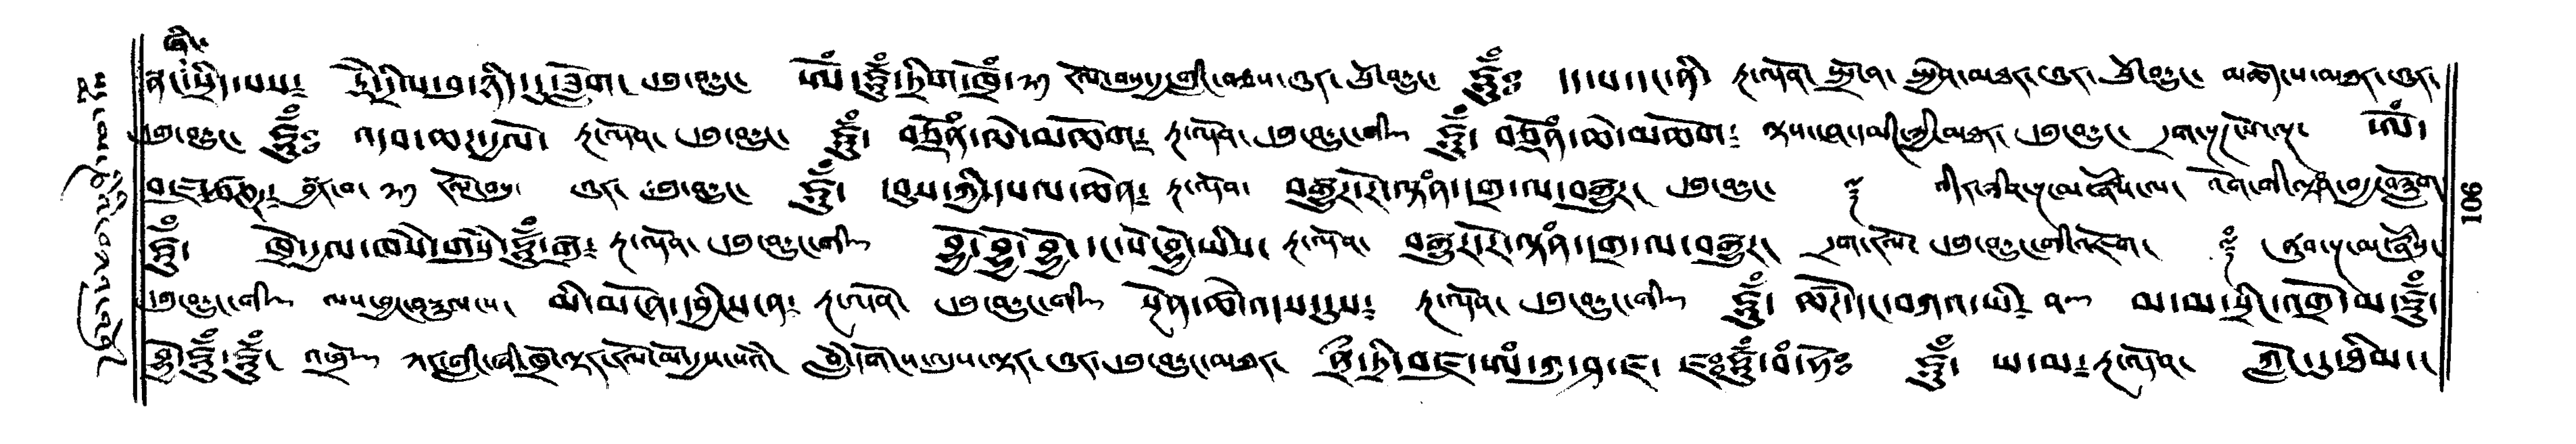༡༠༦༽ སྣང་ཞིང་སྲིད་པས༴ རྡོ་རྗེ་དྲིལ་བུ་ཉིད་དུ་ཟློགས༔ དགུ་རྡུང་། ཨོཾ་ཧཱུྃ་ཏྲིག་ཁྲོཾ༴ ཉེར་གཅིག རོལ་བསུ་རྒྱ་གླིང་བཅས། འུར། སུམ་རྡུང་། ཧཱུྃ༔ དད་པ་དང་ནི༴ རྔ་འདོན། སྤྲོ་ན། སྤྱན་འདྲེན་མཐར། འུར། སུམ་རྡུང་། མཆོད་པ་མཐར། འུར། 
དགུ་རྡུང་། ཧཱུྃ༔ འདབ་ཆགས་རྒྱལ་པོ༴ རྔ་འདོན། དགུ་རྡུང་། ཧཱུྃ༔ བཅོམ་ལྡན་ཆེ་མཆོག༴ རྔ་འདོན། དགུ་རྡུང་གིས། ཧཱུྃ༔ བཅོམ་ལྡན་ཆེ་མཆོག༴ལྟས་ངན་དམིགས་ཀྱི་མཐར་དགུ་རྡུང་། དྲག་སྔགས་སོ་ལྔ། ཨོཾ་
བཛྲ་ཙཎྜཱ༴ སྦྱར་བ་ཉེར་གཅིག རོལ་བསུ། འུར། དགུ་རྡུང་། ཧཱུྃ༔ དབུས་ཀྱི་དཔལ་ཆེན༴ རྔ་འདོན། སྒྱུར་རོ་ལྟས་ངན་དགྲ་ལ་སྒྱུར༔ དགུ་རྡུང་། ༈ འདིར་ཉིན་སྔ་མ་རྣམས་ལ། འོག་གི་ལྟས་ངན་བརྒྱ་བཟློག 
ཧཱུྃ༔ ཁྲོ་རྒྱལ་ཁམས་གསུམ་ཧཱུྃ་སྒྲ༴ རྔ་འདོན། དགུ་རྡུང་གིས། བྷྱོ་བྷྱོ་བྷྱོ༔དང་པོ་བྷྱོ་ཡིས༴ རྔ་འདོན། སྒྱུར་རོ་ལྟས་ངན་དགྲ་ལ་སྒྱུར༔ དྲག་རོལ། དགུ་རྡུང་གི་འཇོག ༈ ནུབ་སྔ་མ་རྣམས་སུ་
དགུ་རྡུང་གིས། ལས་བྱང་བསྐུལ་པ། མི་མངོན་དབྱིངས་ན༴ རྔ་འདོན། དགུ་རྡུང་གིས། སྔོན་ཚེ་འདས་དུས༴ རྔ་འདོན། དགུ་བརྡུང་གིས། ཧཱུྃ༔ ཚོགས་དང་བཀའ་ཡི༴ ནས། མ་མ་སྲིང་འགྲོ་མ་ཧཱུྃ་
བྷྱོ་ཧཱུྃ་ཧཱུྃ༔ འཕྲོས། ཀར་གླིང་ཞི་ཁྲོ་ལྟར་རོལ་མོ་རྒྱས་པའམ། བླ་མ་དགོངས་འདུས་ལྟར། འུར། དགུ་རྡུང་མཐར། ནྲྀ་ཏྲི་བཛྲ་ཨཾ་ཀུ་ཤ་ཛ༔ ཛཿཧཱུྃ་བཾ་ཧོ༔ ཧཱུྃ༔ ཡ་མ༴ རྔ་འདོན། ཀློང་དུ་ཐིམ༴